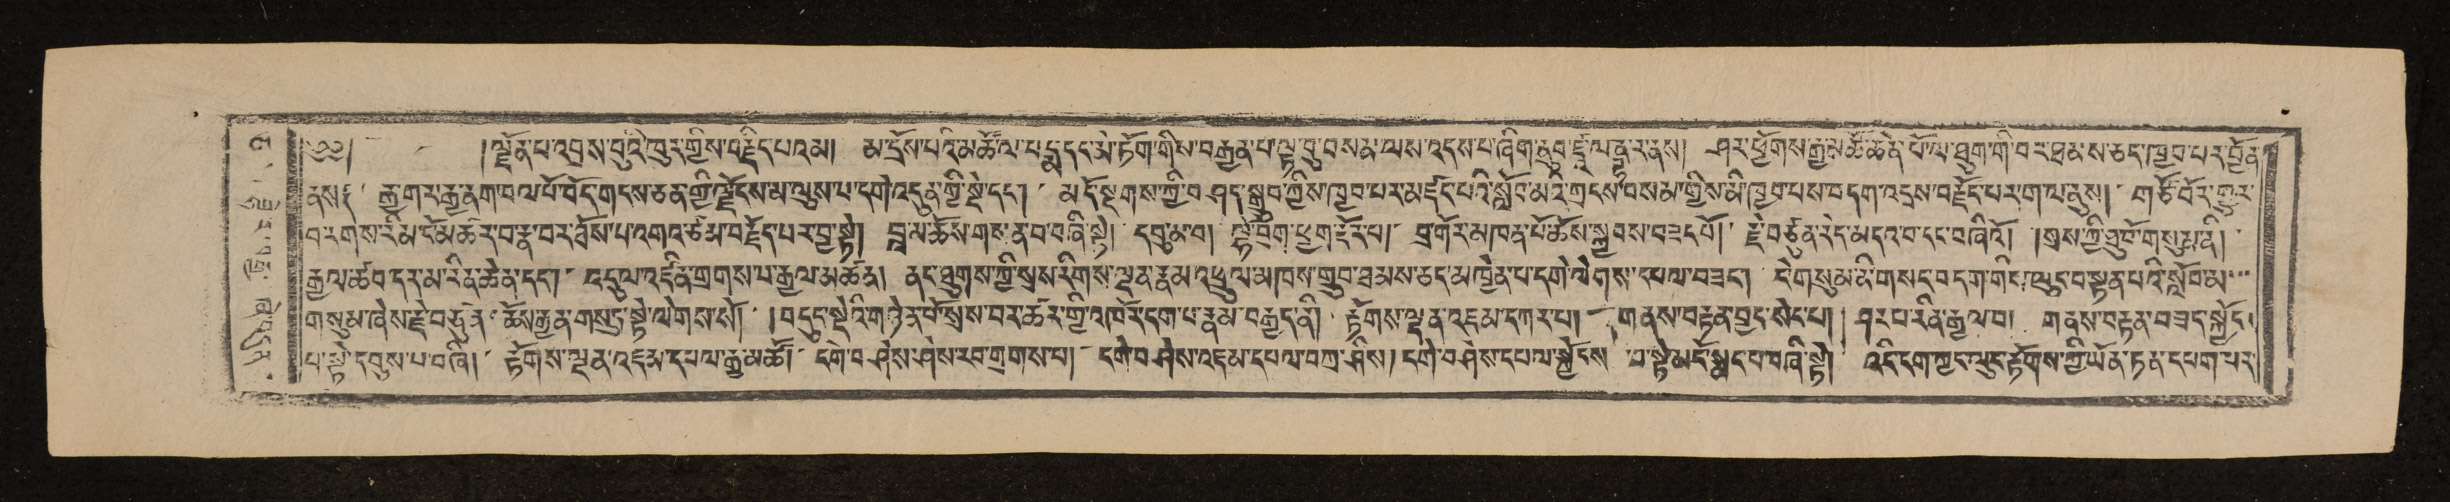༄༅། །ལྗོན་པ་འབྲས་བུའི་ཁུར་གྱིས་བརྗིད་པའམ། མ་དྲོས་པའི་མཚོ་ལ་པདམ་དང་མེ་ཏོག་གིས་བརྒྱན་པ་ལྟ་བུ་བསམ་ལས་འདས་པ་ཞིག་ནུབ་ཛཱ་ལནྡྷར་ནས། ཤར་ཕྱོགས་རྒྱ་མཚོ་ཆེན་པོ་ལ་ཐུག་གི་བར་ཐམས་ཅད་ཁྱབ་པར་བྱོན་
ནས༑ རྒྱ་གར་རྒྱ་ནག་བལ་པོ་བོད་གངས་ཅན་གྱི་ལྗོངས་མ་ལུས་པ་དགེ་འདུན་གྱི་སྡེ་དང་། མདོ་སྔགས་ཀྱི་བཤད་སྒྲུབ་ཀྱིས་ཁྱབ་པར་མཛད་པའི་སློབ་མའི་གྲངས་བསམ་གྱིས་མི་ཁྱབ་པས་བདག་འདྲས་བརྗོད་པར་ག་ལ་ནུས། གཙོ་བོར་གྱུར་
པ་རགས་རིམ་ངེ་མཚར་བ་རྣ་བར་ཐོས་པ་འགའ་ཙམ་བརྗོད་པར་བྱ་སྟེ། བླ་མ་ཆོས་གསན་པ་བཞི་སྟེ། དབུ་མ་པ། ལྷོ་བྲག་ཕྱག་རྡོར་བ། བྲ་གོར་མཁན་པོ་ཆོས་སྐྱབས་བཟང་པོ། རྗེ་བཙུན་རེད་མདའ་བ་དང་བཞིའོ། །སྲས་ཀྱི་ཐུ་བོ་གསུམ་ནི།
རྒྱལ་ཚབ་དར་མ་རིན་ཆེན་དང་། འདུལ་འཛིན་གྲགས་པ་རྒྱལ་མཚན། ནང་ཐུགས་ཀྱི་སྲས་རིགས་ལྡན་རྣམ་འཕྲུལ་མཁས་གྲུབ་ཐམས་ཅད་མཁྱེན་པ་དགེ་ལེགས་དཔལ་བཟང་། དེ་གསུམ་ནི་གསང་བདག་གིས་ལུང་བསྟན་པའི་སློབ་མ་
གསུམ་ཞེས་རྗེ་བཙུན་ཆོས་རྒྱན་གསུང་སྟེ་ལེགས་སོ། །བདུད་སྡེའི་གཉེན་པོ་སྲས་བར་ཚར་གྱི་འཁོར་དག་པ་རྣམ་བརྒྱད་ནི། རྟོགས་ལྡན་འཇམ་དཀར་པ། གནས་བརྟན་བྱང་སེང་བ། ཤར་པ་རིན་རྒྱལ་བ། གནས་བརྟན་བཟང་སྐྱོང་
པ་སྟེ་དབུས་པ་བཞི། རྟོགས་ལྡན་འཇམ་དཔལ་རྒྱ་མཚོ། དགེ་བཤེས་ཤེས་རབ་གྲགས་པ། དགེ་བཤེས་འཇམ་དཔལ་བཀྲ་ཤིས། དགེ་བཤེས་དཔལ་སྐྱོངས་པ་སྟེ་མདོ་སྨད་པ་བཞི་སྟེ། འདི་དག་ཀྱང་ལུང་རྟོགས་ཀྱི་ཡོན་ཏན་དཔག་པར་